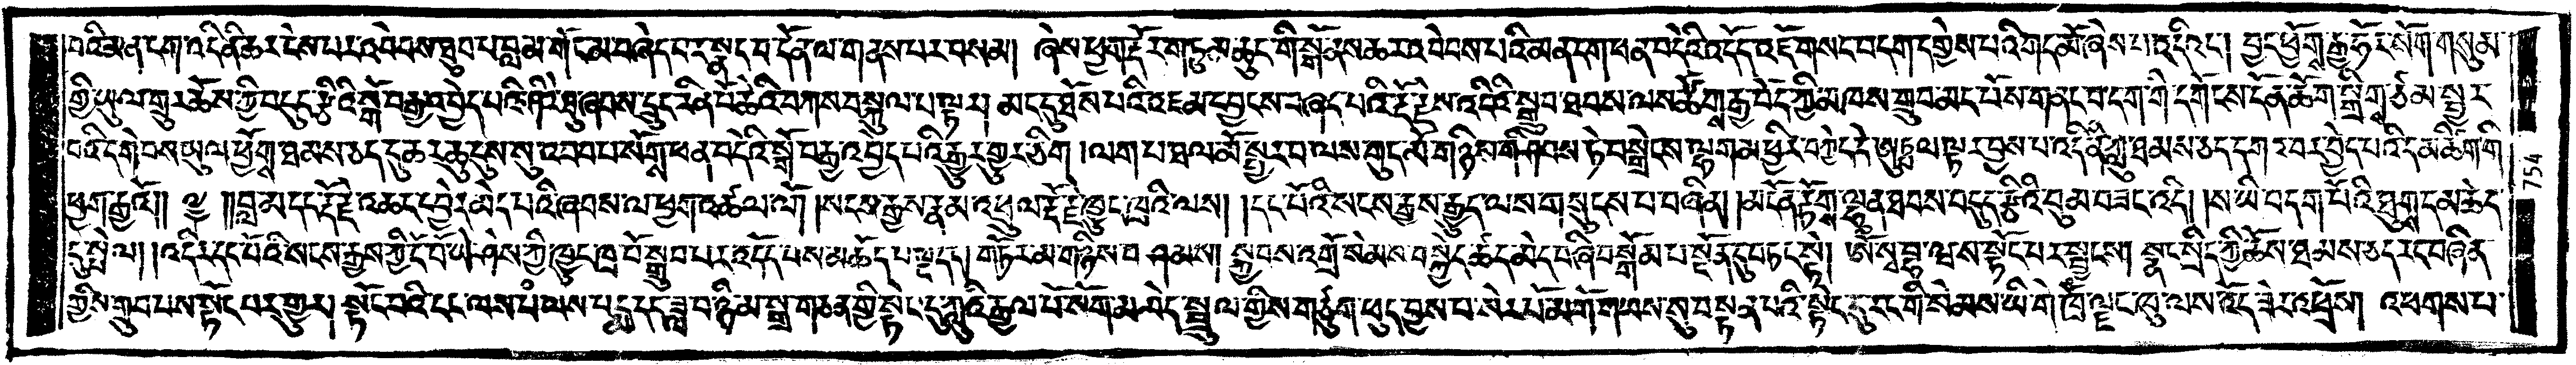བའི་མན་ངག་འདི་ནི་ཆར་ངེས་པར་འབེབས་ཐུབ་པ་བླ་མ་གོང་མ་བཞེད་པར་སྣང་བ་དོན་ལ་གནས་པར་བསམ། ཞེས་ཕྱག་རྡོར་གཏུམ་ཆུང་གི་སྒོ་ནས་ཆར་འབེབས་པའི་མང་ངག་ཕན་བདེའི་འདོད་འཇོ་གསང་བདག་དགྱེས་པའི་གད་མོ་ཞེས་པ་འདིའང་། བྱང་ཕྱོགས་རྒྱ་ཧོར་སོག་གསུམ་
གྱི་ཡུལ་གྲུར་ཆོས་ཀྱི་བདུད་རྩིའི་སྒོ་བརྒྱ་འབྱེད་པའི་ཤིའི་ཐུ་ཞབས་དྲུང་རིན་པོ་ཆེའི་བཀས་བསྐུལ་པ་ལྟར། མང་དུ་ཐོས་པའི་འཇམ་དབྱངས་བཞད་པའི་རྡོ་རྗེས་འདིའི་སྒྲུབ་ཐབས་ལས་ཚོགས་རྒྱ་བོད་ཀྱི་མཁས་གྲུབ་མང་པོས་གནང་བདག་གི་དགོངས་དོན་ཆོག་སྒྲིགས་ཙམ་སྦྱར་
བའི་དགེ་བས་ཡུལ་ཕྱོགས་ཐམས་ཅད་དུ་ཆར་ཆུ་དུས་སུ་འབབ་པ་སོགས་ཕན་བདེའི་སྒོ་བརྒྱ་འབྱེད་པའི་རྒྱུར་གྱུར་ཅིག། ལག་པ་ཐལ་མོ་སྦྱར་བ་ལས་གུད་མོ་གཉིས་གི་ཤབས་ཏེ་བསྒྲེངས་ལྷག་མ་ཕྱིར་བཀྱེད་དེ་ཨུཏྤལ་ལྟར་བྱས་པ་འདི་ནི་ཀླུ་ཐམས་ཅད་དགའ་བར་བྱེད་པའི་དམ་ཚིག་གི་
ཕྱག་རྒྱའོ།། ༈ །།བླ་མ་དང་རྡོ་རྗེ་འཆད་དབྱེར་མེད་པའི་ཞབས་ལ་ཕྱག་འཚལ་ལོ། །སངས་རྒྱས་རྣམ་འཕྲུལ་རྡོ་རྗེ་ཁྱུང་ཁྲའི་ལས། །དང་པོའི་སངས་རྒྱས་རྒྱུད་ལས་གསུངས་པ་བཞིན། །མངོན་རྟོགས་ལྷུན་ཐབས་བདུད་རྩིའི་བུམ་བཟང་འདི། །ས་ཡི་བདག་པོའི་ཐུགས་དམ་ཆེད་
ཏུ་སྤེལ། འདིར་དད་པོའི་སངས་རྒྱས་ཀྱི་ངོ་བོ་ཡེ་ཤེས་ཀྱི་ཁྱུད་ཁྲ་པོ་སྒྲུབ་པར་འདོད་པས་མཆོད་པ་ལྔ་དང་། གཏོར་མ་གཉིས་བཤམས། སྐྱབས་འགྲོ་སེམས་བསྐྱེད་ཚད་མེད་བཞི་བསྒོམ་པ་སྔོན་དུ་བཏང་སྟེ། ཨོཾ་སྭཱ་བྷ་ཝ་ས་སྟོང་པར་སྦྱངས། སྣང་སྲིད་ཀྱི་ཆོས་ཐམས་ཅད་རང་བཤིན་
གྱིས་གྲུབ་པས་སྟོད་པར་གྱུར། སྟོང་བའི་ངང་ལས་པཾ་ལས་པདམ་དང་ཟླ་བ་ཉི་མ་སྒྲ་གཅན་གྱི་སྟེང་དུ་ཀླུའི་རྒྱལ་པོ་སོགས་མ་མེད་སྦྲུལ་གྱིས་གཙུག་ཕུད་བྱས་པ་སེར་པོ་མགོ་གཡས་སུ་བསྟན་པའི་སྟེང་དུ་རང་གི་སེམས་ཡི་གེ་ཁྲོ་ལྗང་ཁུ་ལས་འོད་ཟེར་འཕྲོས། འཕགས་པ་